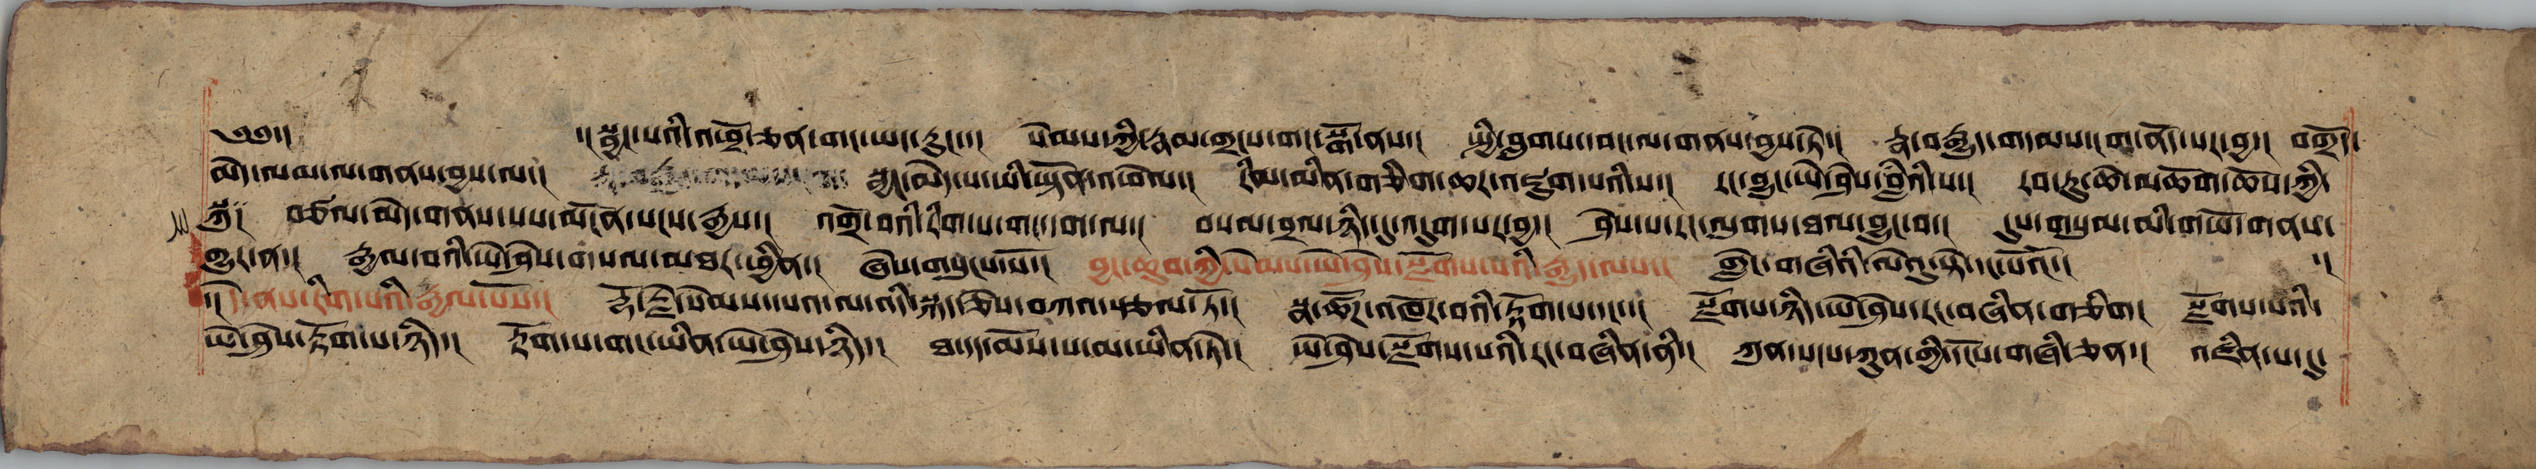༄༅་། ་།སྦྱང་པའི་འཕྲོ་ཅན་གང་ཡང་རུང་། སེམས་ཀྱི་རྣམ་གྲངས་གང་སྒོ་ནས་། སྤྱི་བླུགས་དབང་ལ་གནས་བྱས་ཏེ་། རྣ་བརྒྱུད་གདམས་ངག་ནོད་པར་བྱ་། བགྲོད་
མེད་ལམ་ལ་གནས་བྱས་ལ་། སྦྱང་མེད་པ་ཡི་ཡྟོན་འཕེལ་། རིམ་མིན་གཅིག་ཆར་འཇུག་པའི་ས་། རང་བྱུང་ཡེ་ཤེས་བླཾའི་ས་། རབ་ཏུ་ཆེ་མཆོག་ཆོས་ཀྱི་
སྐུ༑ བཙལ་མེད་གནས་པས་མངོན་སངས་རྒྱས་། འགྲོ་བའི་རིག་པ་གང་དག་ལ་། བསལ་བྲལ་ཉིད་དུ་འདུག་པར་བྱ་། ཤེས་པ་རང་ལུགས་ཐལ་བྱུང་བ་། དུས་གསུམ་མི་གཡོ་གནས་
གྱུར་ན་། རྒྱལ་བའི་ཡེ་ཤེས་གསལ་མཐར་ཕྱིན་། ཞེས་གསུངས་སོ་། བྱང་ཆུབ་ཀྱི་སེམས་ཡེ་ཤེས་སྫོགས་པའི་རྒྱུད་ལས་། གླེང་གཞིའི་ལེའུ་སྟེ་དང་པོའོ་།
་། དེ་ནས་རིག་པའི་རྒྱལ་པོས་། རྡོ་རྗེ་སེམས་དཔའ་ལ་འདི་སྐད་ཅེས་བཀའ་སྩལ་ཏོ་། སྣ་ཚོཌ་འཁོར་བའི་རྟོག་པ་དང་་། སྫོགས་ཉིད་ཡེ་ཤེས་རང་བཞིན་གཅིག། སྫོགས་པའི་
ཡེ་ཤེས་རྟོག་པ་ཉིད་། རྟོག་པ་གང་ཡིན་ཡེ་ཤེས་ཉིད་། ཐ་དད་མོས་པ་མ་ཡིན་ཏེ་། ཡེ་ཤེས་སྫོགས་པའི་རང་བཞིན་ནི་། ཀུན་སངས་ཀུན་གྱི་དངོས་གཞི་ཅན་། འཛིན་པ་དུ་